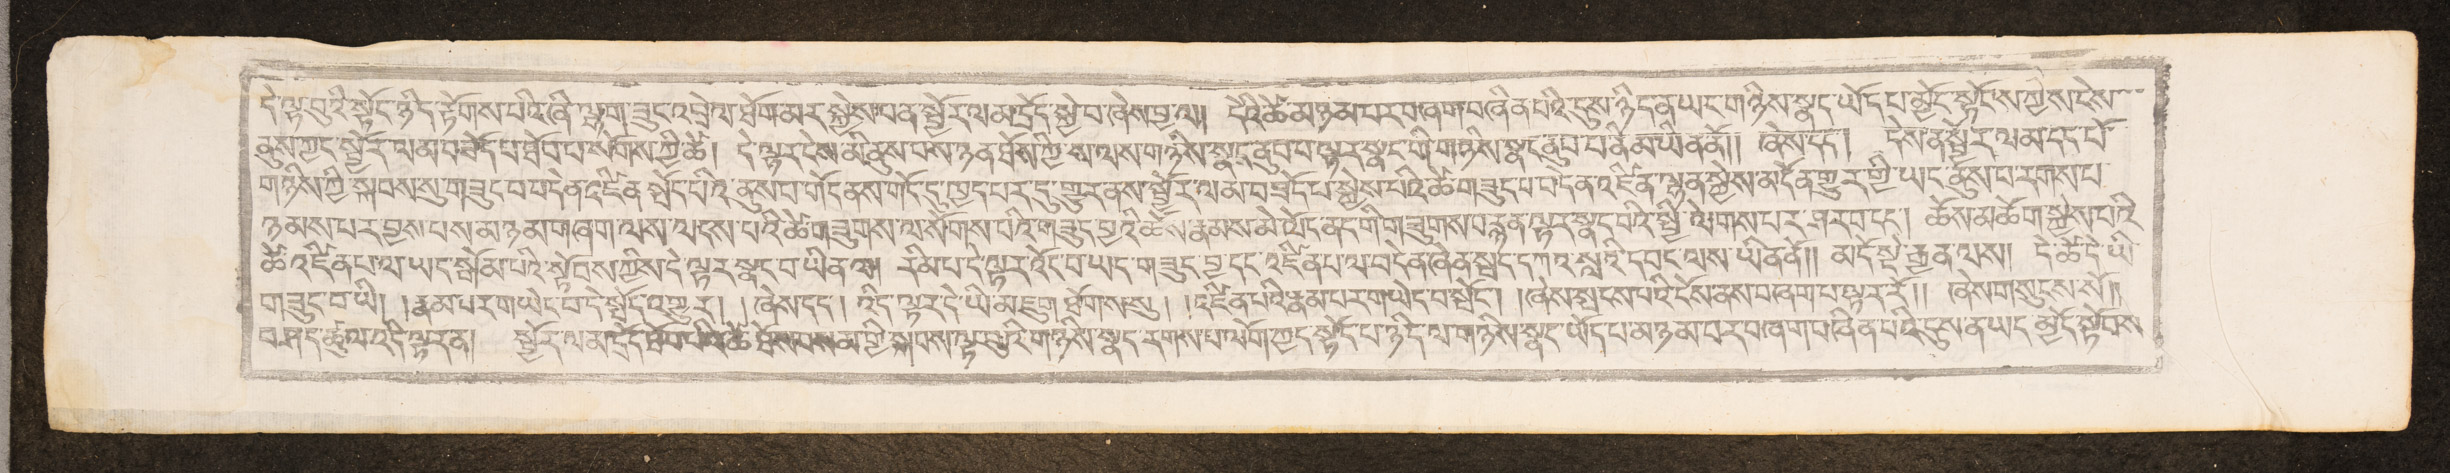དེ་ལྟ་བུའི་སྟོང་ཉིད་རྟོགས་པའི་ཞི་ལྷག་ཟུང་འབྲེལ་ཐོག་མར་སྐྱེས་པ་ན་སྦྱོར་ལམ་དྲོད་སྐྱེ་བ་ཞེས་བྱ་ལ། དེའི་ཚེ་མཉམ་པར་བཞག་བཞིན་པའི་དུས་ཉིད་ན་ཡང་གཉིས་སྣད་ཡོད་པ་མྱོང་སྟོབས་ཀྱིས་ངེས་
ནུས་ཀྱང་སྦྱོར་ལམ་བཟོད་པ་ཐོབ་པ་སོགས་ཀྱི་ཚེ། དེ་ལྟར་ངེས་མི་ནུས་པས་ཉན་ཐོས་ཀྱི་ས་ལས་གཉིས་སྣང་ནུབ་པ་ལྟར་སྣང་གི་གཉིས་སྣང་ནུབ་པ་ནི་མ་ཡིན་ནོ།། ཞེས་དང་། དེས་ན་སྦྱོར་ལམ་དང་པོ་
གཉིས་ཀྱི་སྐབས་སུ་གཟུང་བ་བདེན་འཛིན་སྤོང་བའི་ནུས་པ་གོང་ནས་གོང་དུ་ཁྱད་པར་དུ་གྱུར་ནས་སྦྱོར་ལམ་བཟོད་པ་སྐྱེས་པའི་ཚེ་གཟུང་བ་བདེན་འཛིན་ལྷན་སྐྱེས་མངོན་གྱུར་གྱི་ཡང་ནུས་པར་རགས་པ་
ཉམས་པར་བྱས་པས་མཉམ་གཞག་ལས་ལངས་པའི་ཚེ་གཟུགས་ལ་སོགས་པའི་གཟུང་བྱའི་ཆོས་རྣམས་མེ་ལོང་ནང་གི་གཟུགས་བརྙན་ལྟར་སྣང་བའི་སྤྱི་ལེགས་པར་ཤར་བ་དང་། ཆོས་མཆོག་སྐྱེས་པའི་
ཚེ་འཛིན་པ་ལ་ཡང་སྒོམ་པའི་སྟོབས་ཀྱིས་དེ་ལྟར་སྣང་བ་ཡིན་ལ། རིམ་པ་དེ་ལྟར་འོང་བ་ཡང་གཟུང་བྱ་དང་འཛིན་པ་ལ་བདེན་ཞེན་སྤང་དཀའ་སླའི་དབང་ལས་ཡིན་ནོ།། མདོ་སྡེ་རྒྱན་ལས། དེ་ཚེ་དེ་ཡི་
གཟུང་བ་ཡི། །རྣམ་པར་གཡེང་བ་དེ་སྤོང་འགྱུར། །ཞེས་དད། འདི་ལྟར་དེ་ཡི་མཇུག་ཐོགས་སུ། །འཛིན་པའི་ནམ་པར་གཡེང་བ་སྤོང་། །ཞེས་སྤངས་པའི་ངོས་ནས་བཞག་པ་ལྟར་རོ།། ཞེས་གསུངས་སོ།།
བཤད་ཚུལ་འདི་ལྟར་ན། སྦྱོར་ལམ་དྲོད་ཐོབ་པའི་ཚེ་ཐོས་བསམ་གྱི་སྐབས་ལྟ་བུའི་གཉིས་སྣད་རགས་པ་ལོགས་ཀྱང་སྟོང་པ་ཉིད་ལ་སྣད་ཡོད་པ་མཉམ་པར་བཞག་པ་བཞིན་པའི་དུས་ན་ཡད་མྱོང་སྟོབས་